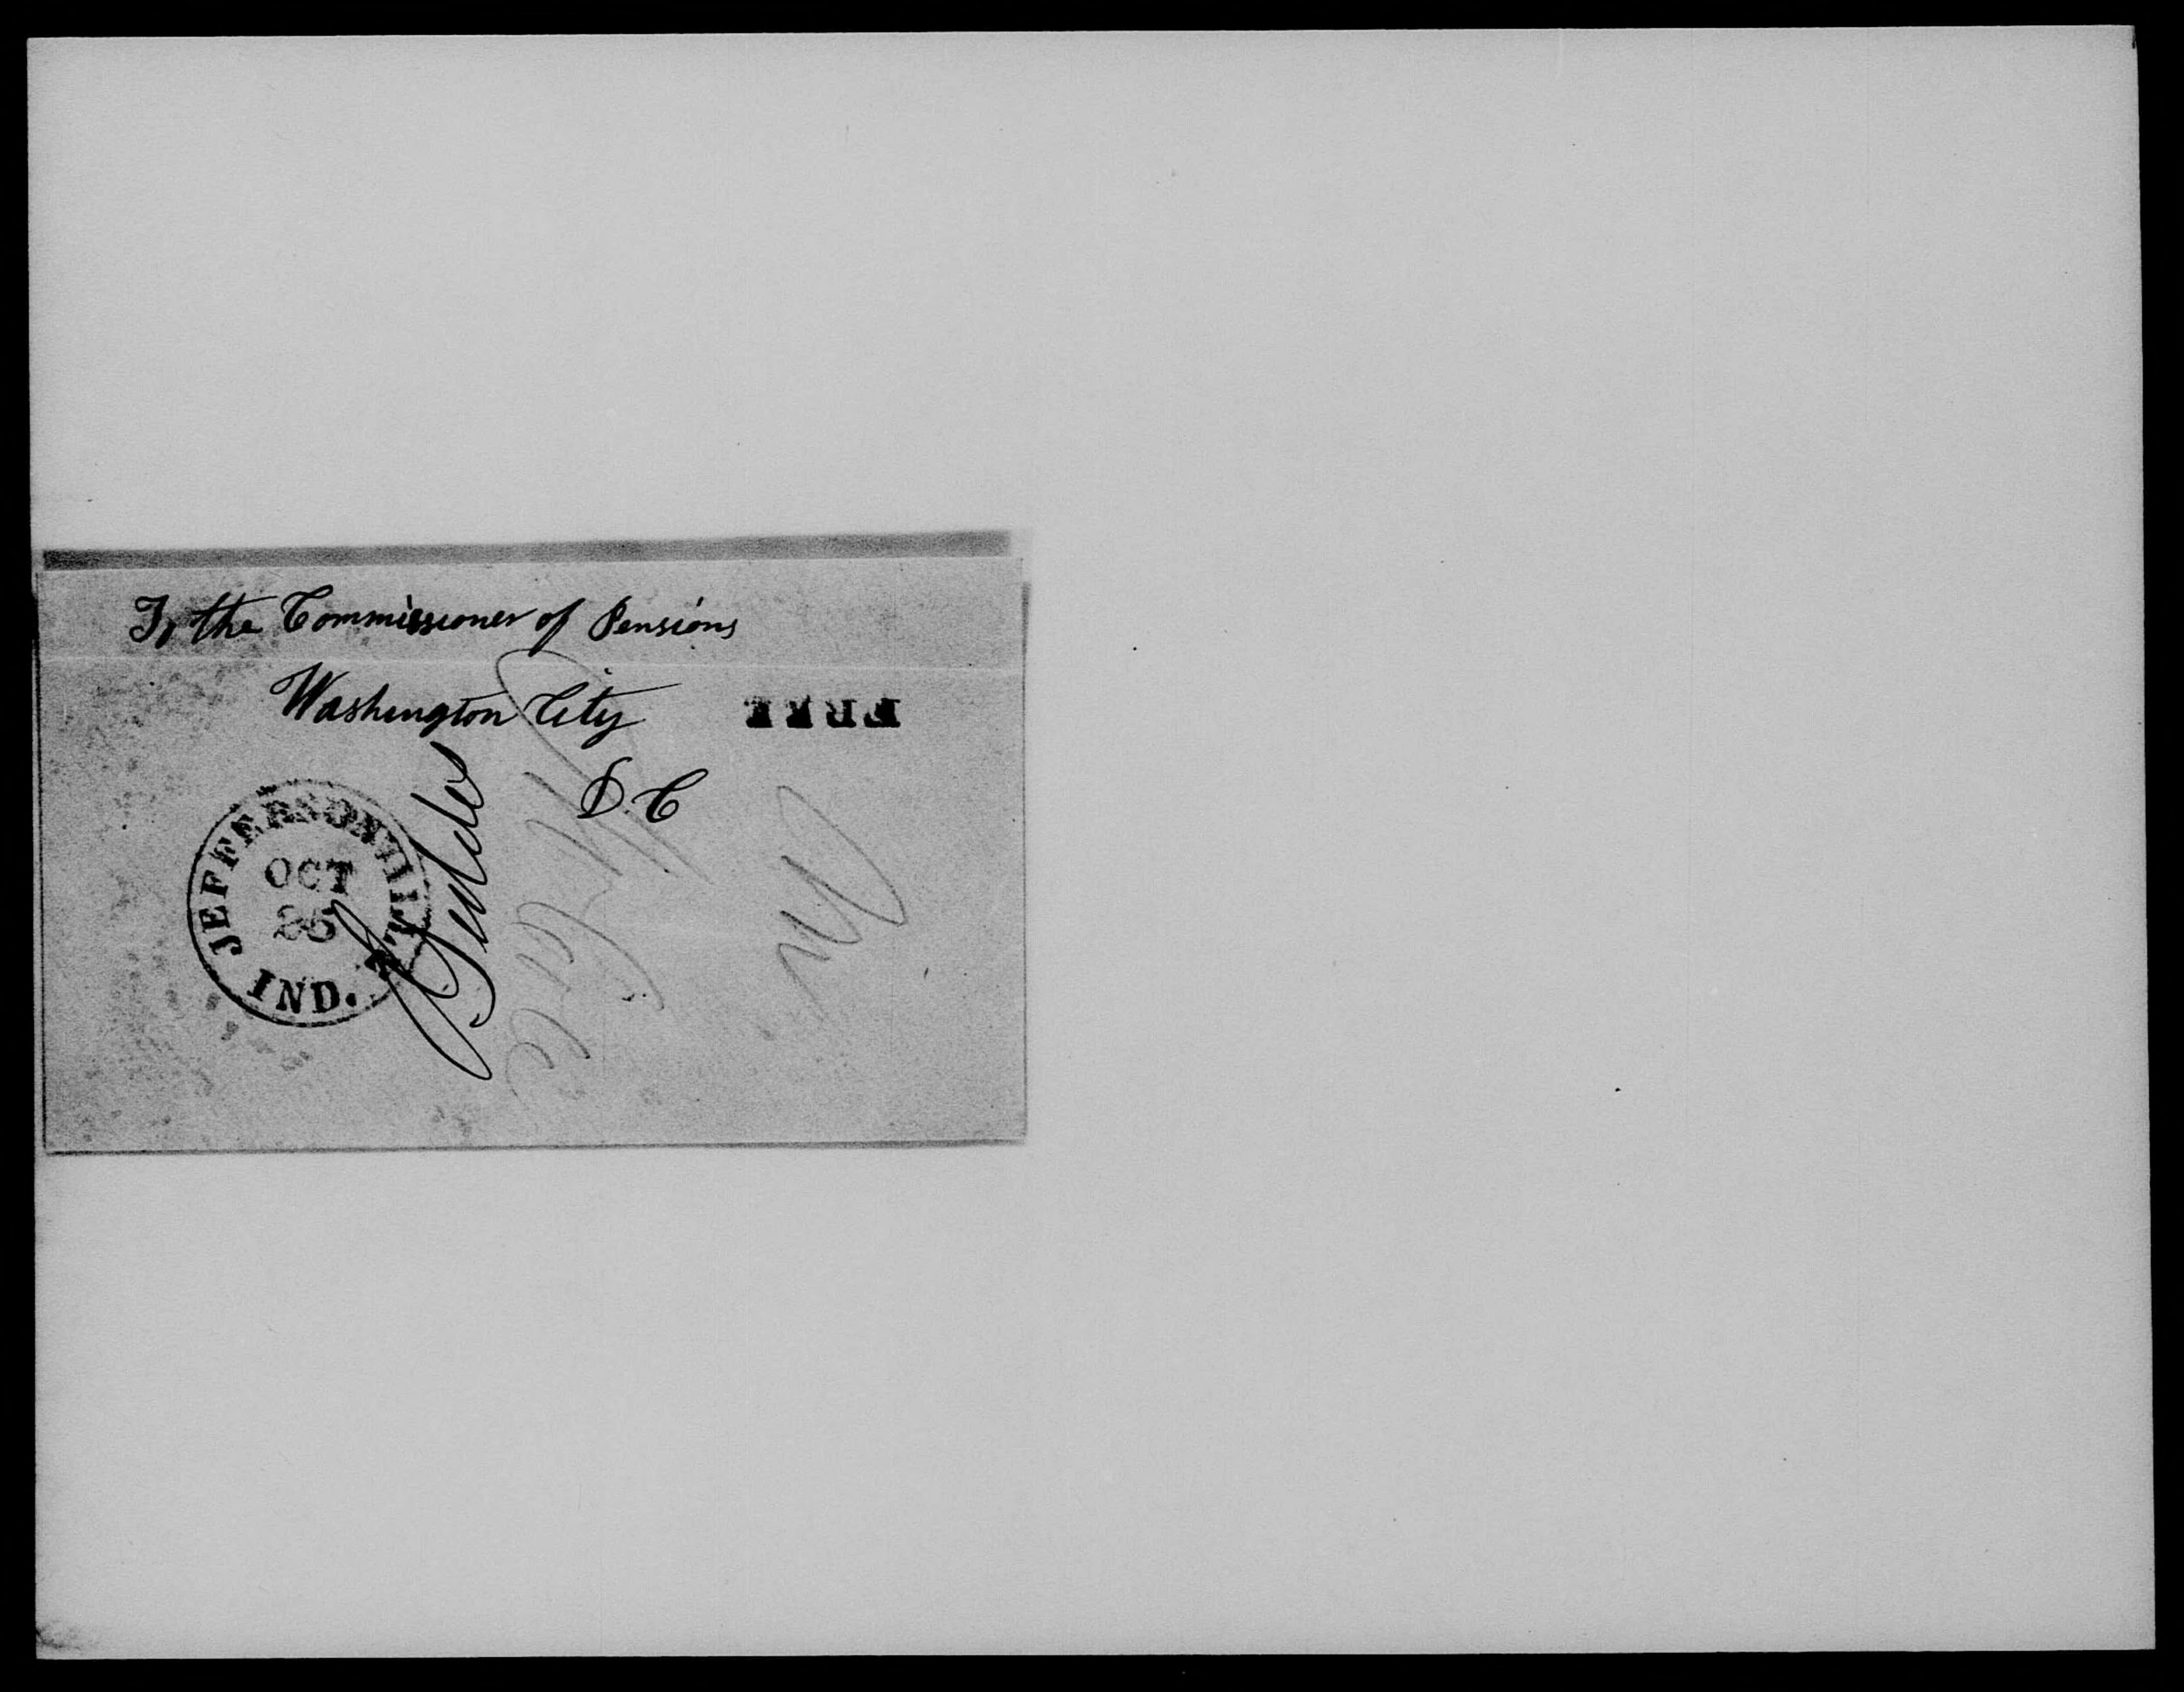[postcard] 

To the Commissioner of Pensions
Washington City
DC

FREE

[date stamp] 
JEFFERSONVILLE IND.
OCT 25 
[/stamp]

M
Mr Cole
Geddes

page: 39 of 78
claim: widow's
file: W. 25,169, for Daniel Sullivan, Maryland